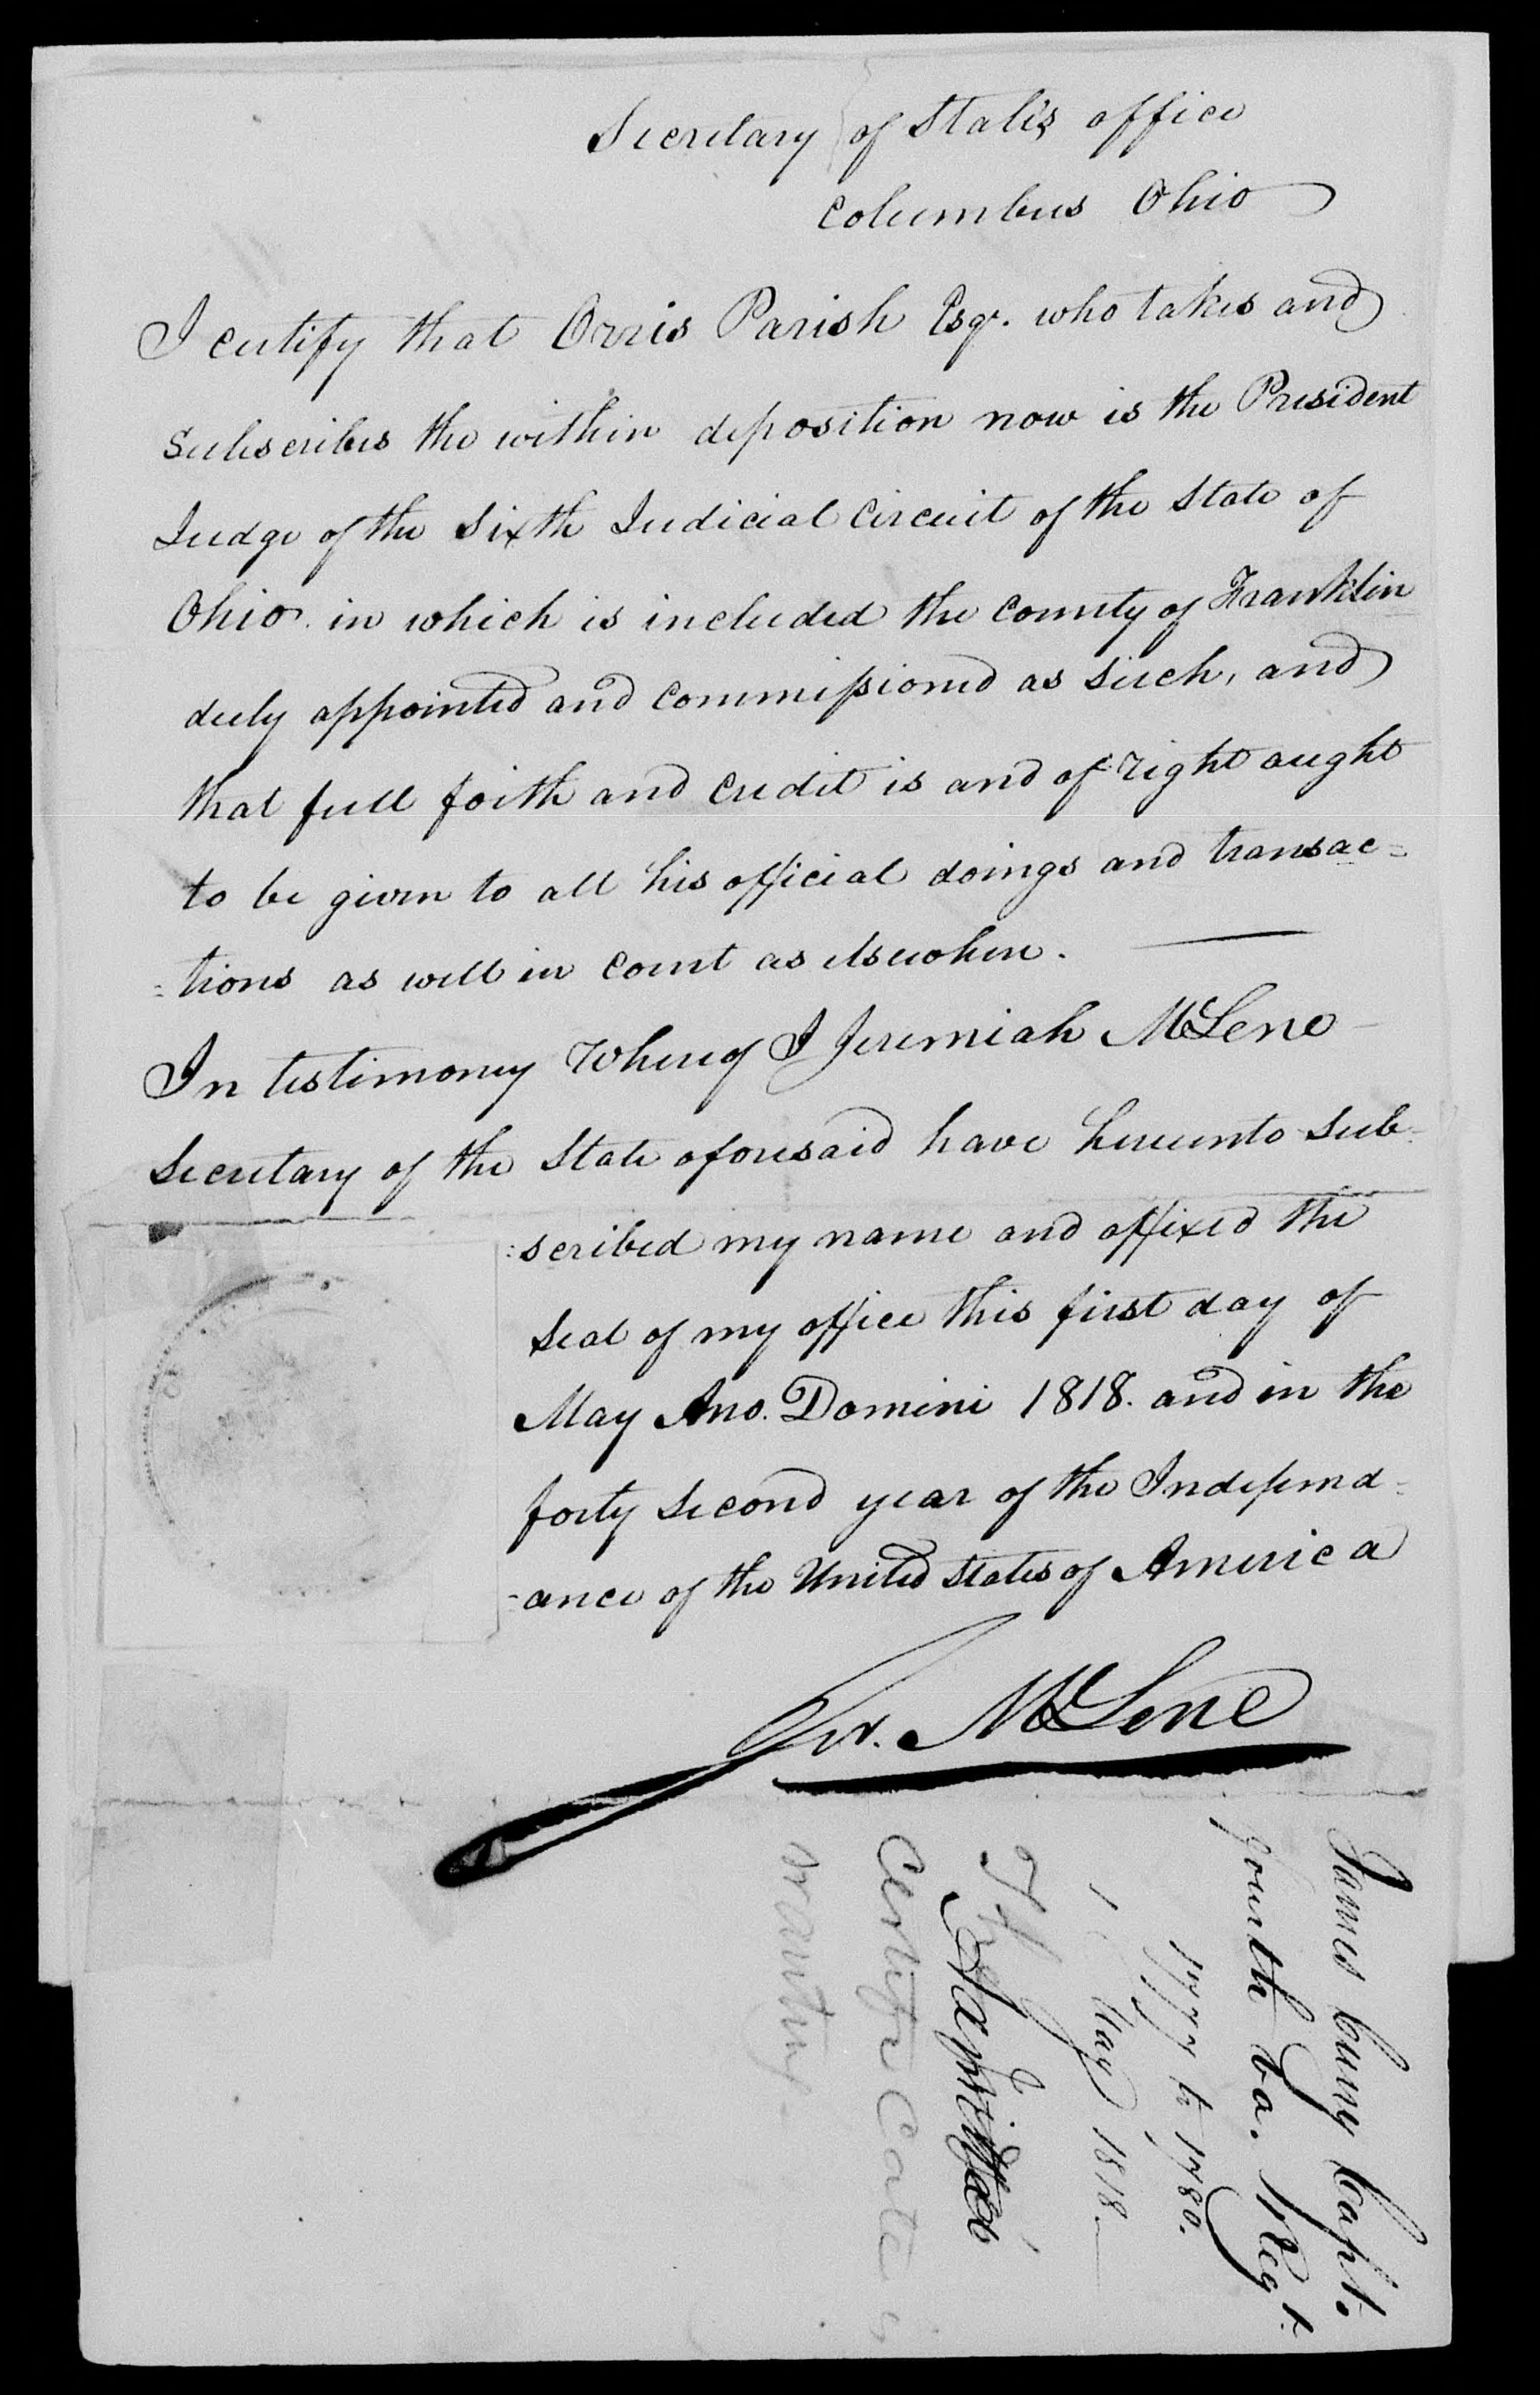Secretary of State's office
Columbus Ohio
I certify that Orris Parish Esq. who takes and 
subscribes the within deposition now is the President
Judge of the Sixth Judicial Circuit of the State of
Ohio in which is included the county of Franklin
duly appointed and commissioned as such, and that full faith and credit is and of right ought
to be given to all his official doings and 
transacttions as well in Court as elsewhere.
In testimony Whereof I Jeremiah McLene
Secretary of the State aforesaid have hereunto subscribed my name and affixed the
seal of my office this first day of
May Anno Domini 1818. and in the
forty second year of the Independance 
of the United States of America

Jer. McLene

James Curry Capt.
fourth Va. Reg't
1777 to 1780
Admitted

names: Jer Mc Lene, James Curry, Jeremiah Mc Lene, Orris Parish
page: 7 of 32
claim: survivor's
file: S. 44230, James Curry, Va.